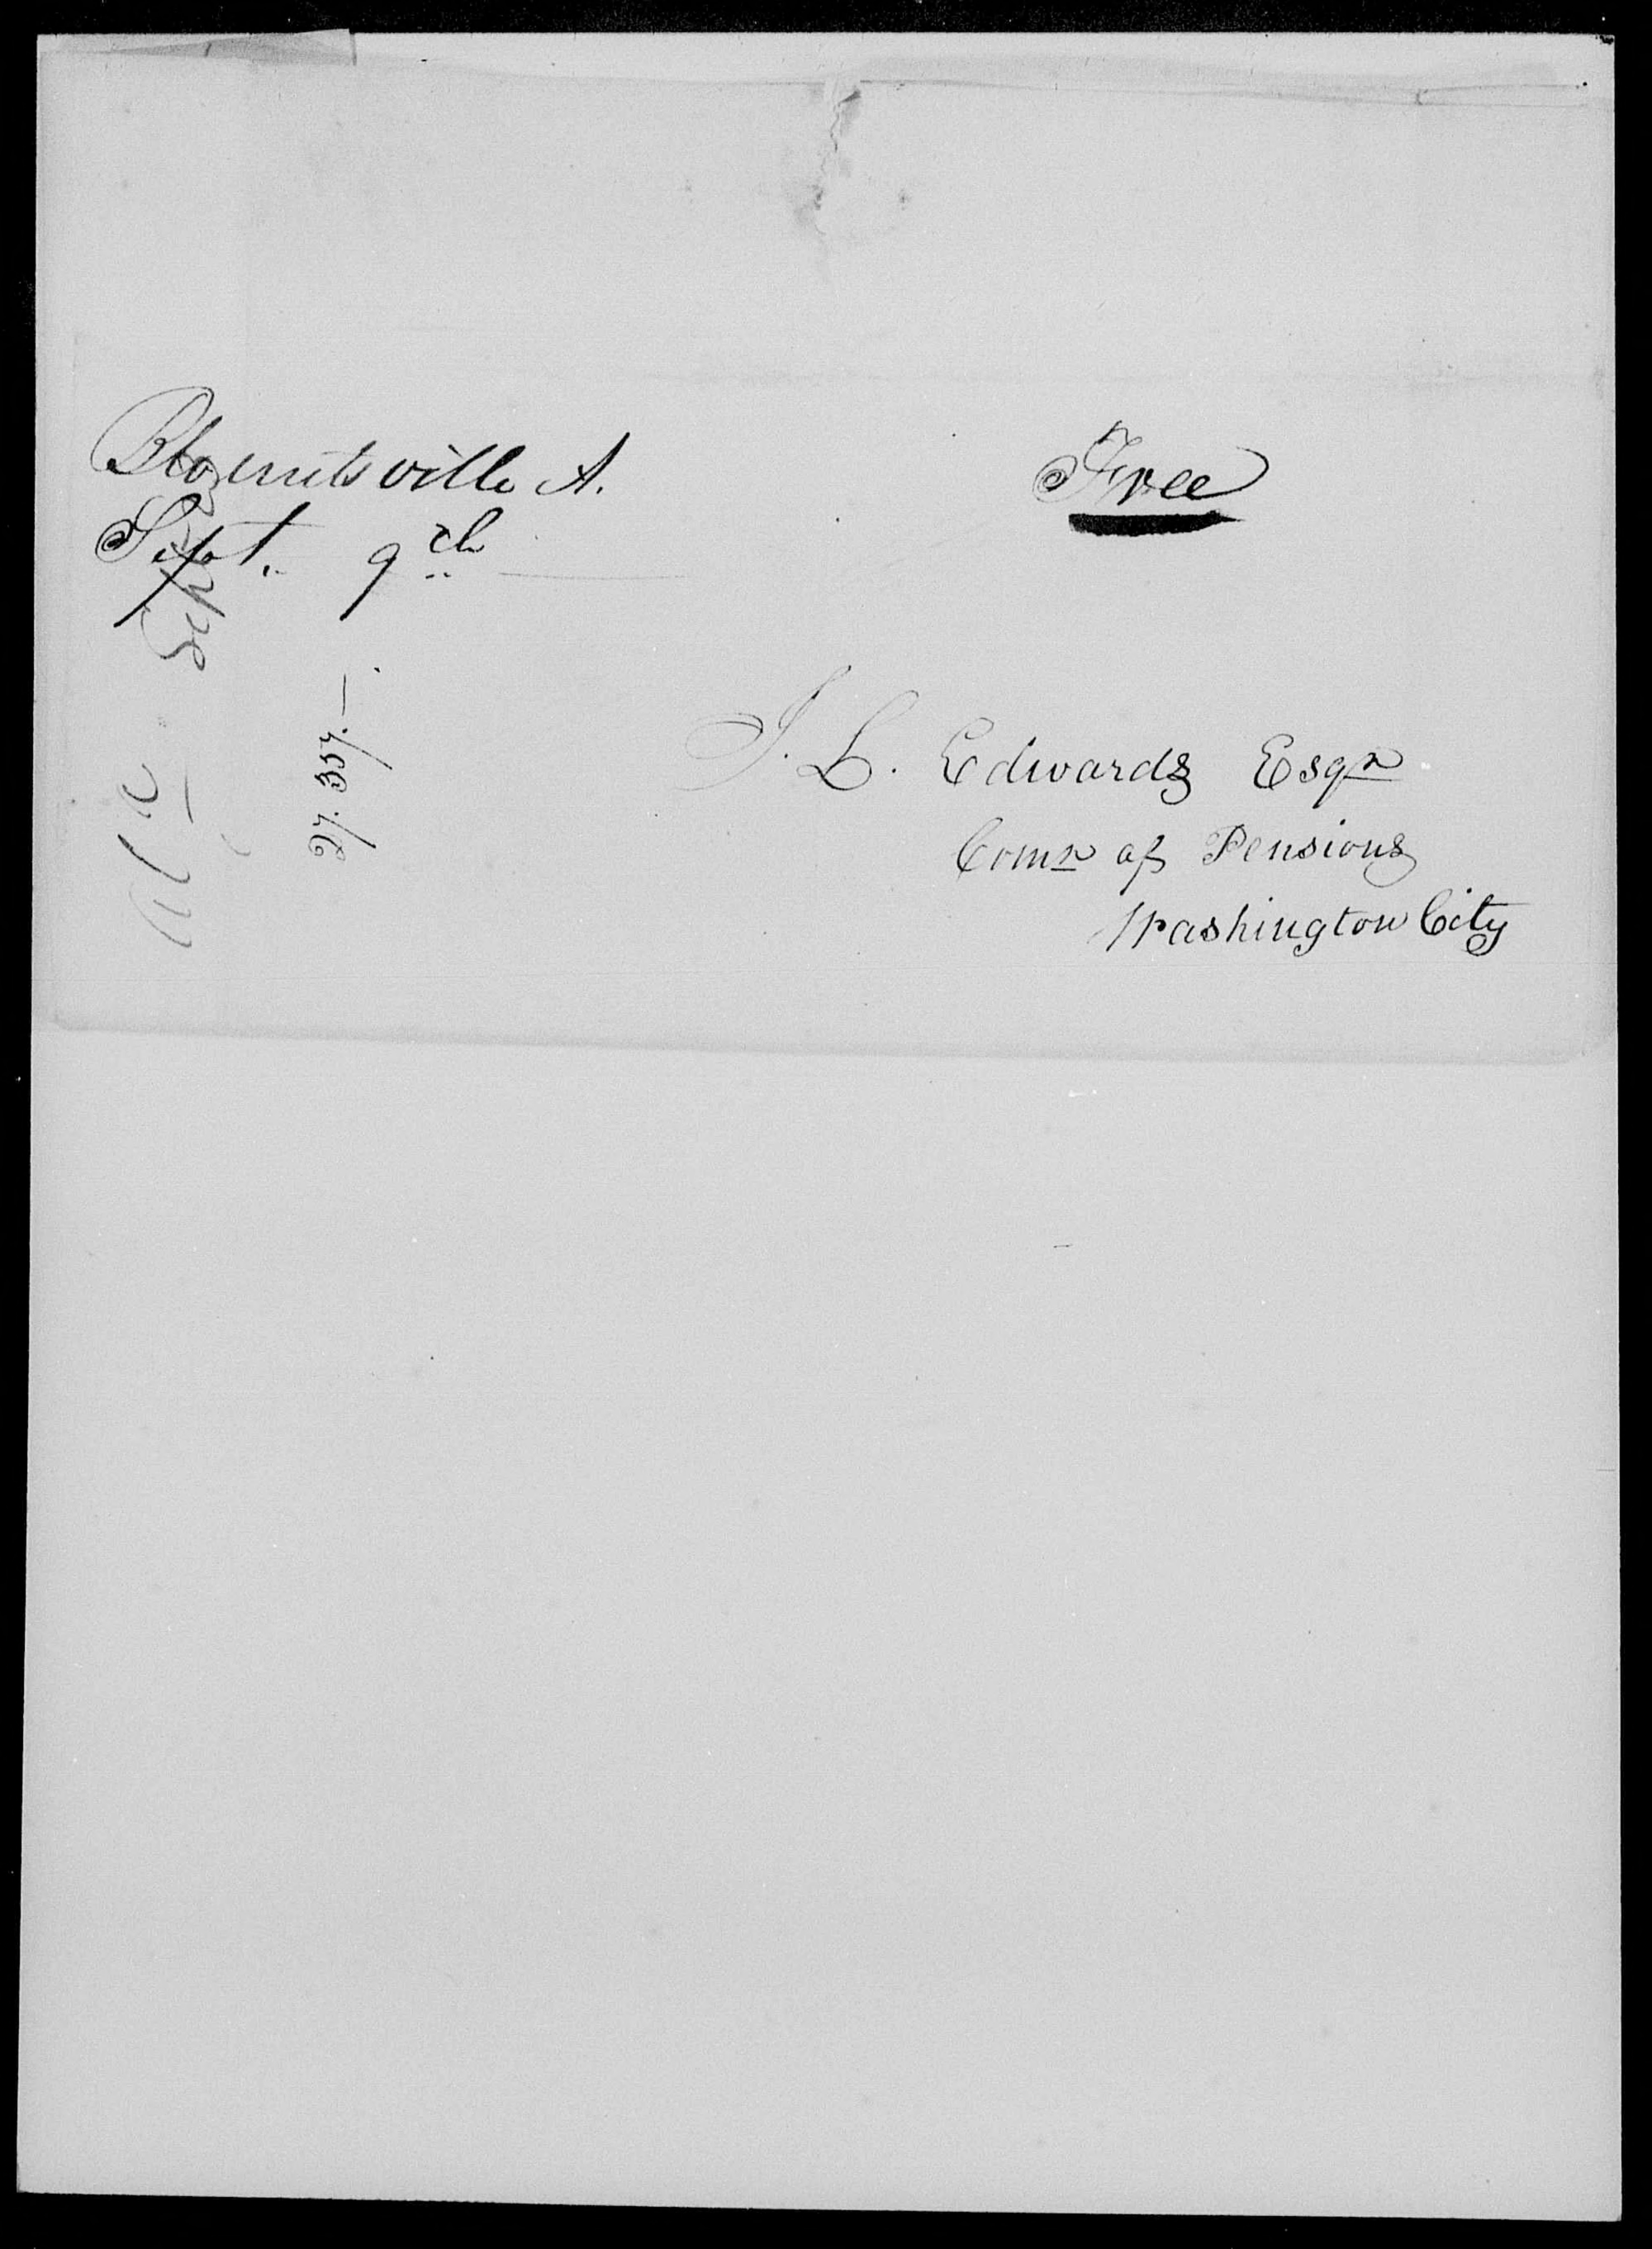Blountsville A.
Sept. 9th
27.334
Free
L. Edwards Esqr
Comm of Pensions
Washington City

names: J L Edwards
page: 17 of 18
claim: survivor's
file: S. 15176, George Hofstalar, N.C.